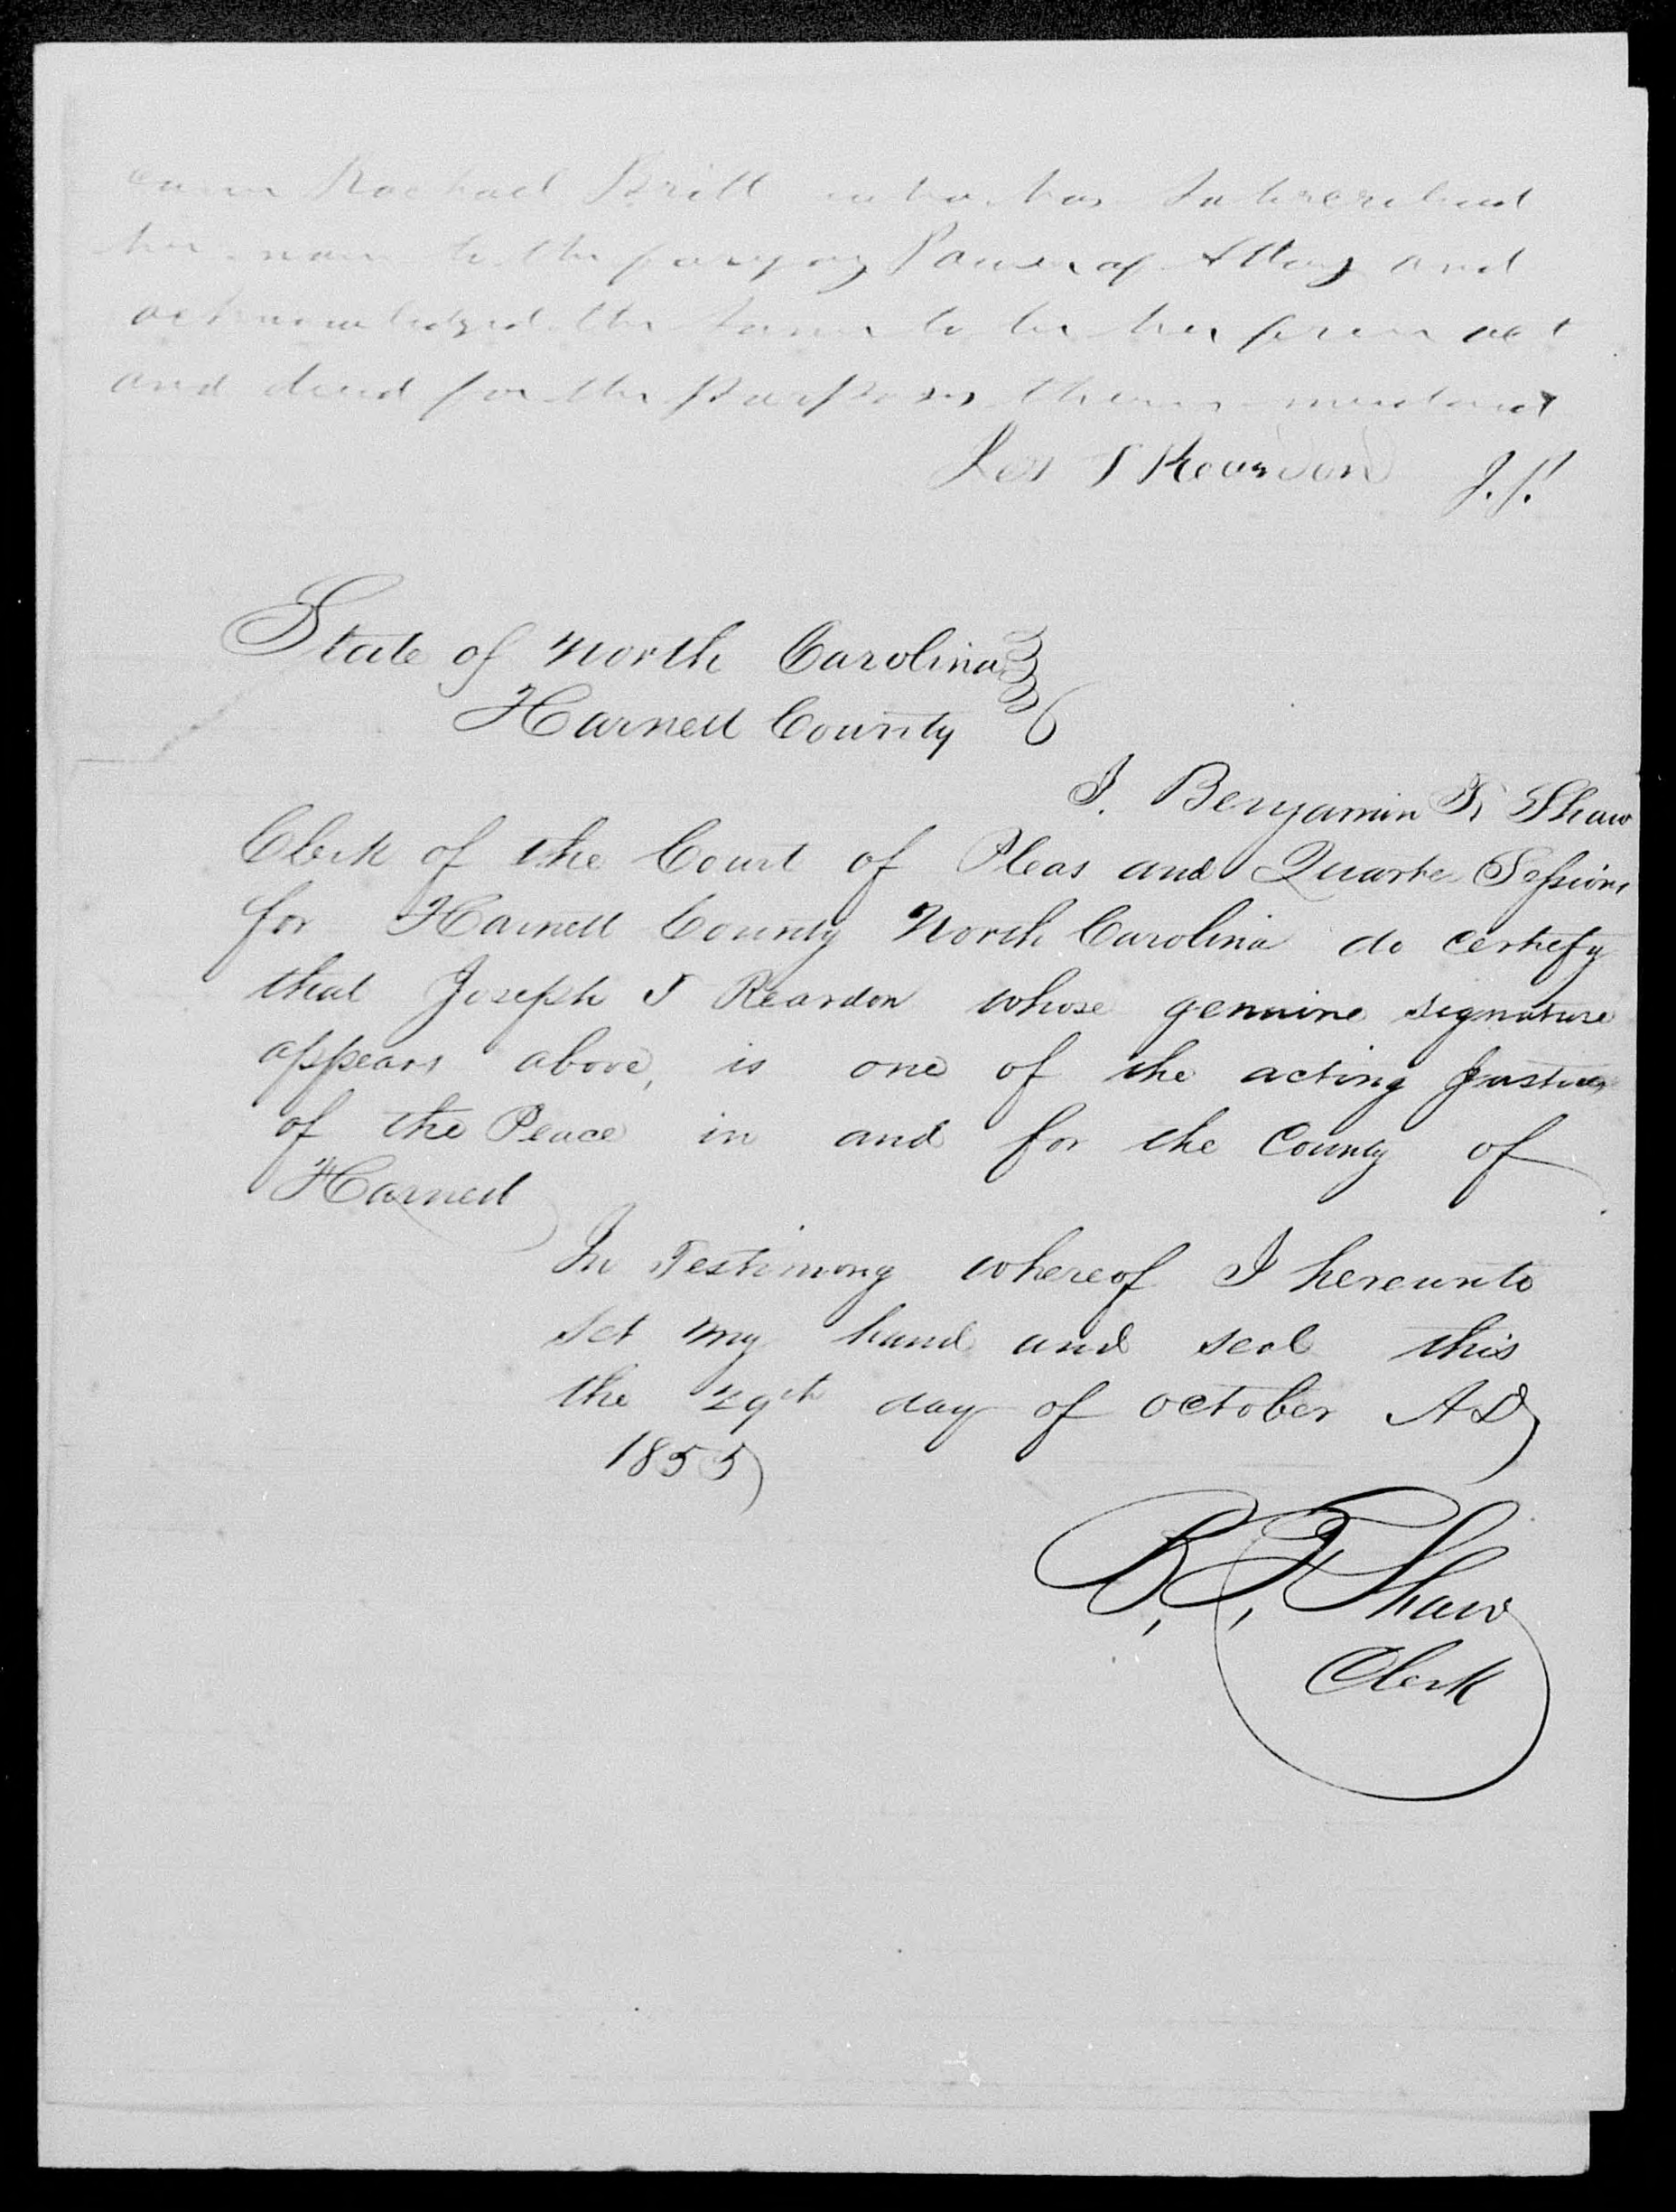[unreadable] Rachel Britt who has inscribed her name to the foregoing Power of Attorney and acknowledged the Same to be her [unreadable] and deed for the purposes there mentioned
Joseph J. Reardon  J. P. 
State of North Carolina}
Harnett County}
I Benjamin T. Shaw Clerk of the Court of Pleas and Quarter Sessions for Harnett County North Carolina do certify that Joseph T. Reardon whose genuine signature appears above is one of the acting Justice of the Peace in and for the County of Harnett.
In testimony whereof I hereunto set my hand and seal this the 29th day of October A.D. 1855
B. T. Shaw
Clerk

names: Rachael Britt, Joseph T Reardon, Jos T Reardon, B F Shaw, Benjamin F Shaw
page: 15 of 15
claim: rejected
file: R. 3815, James Frost, N.C.